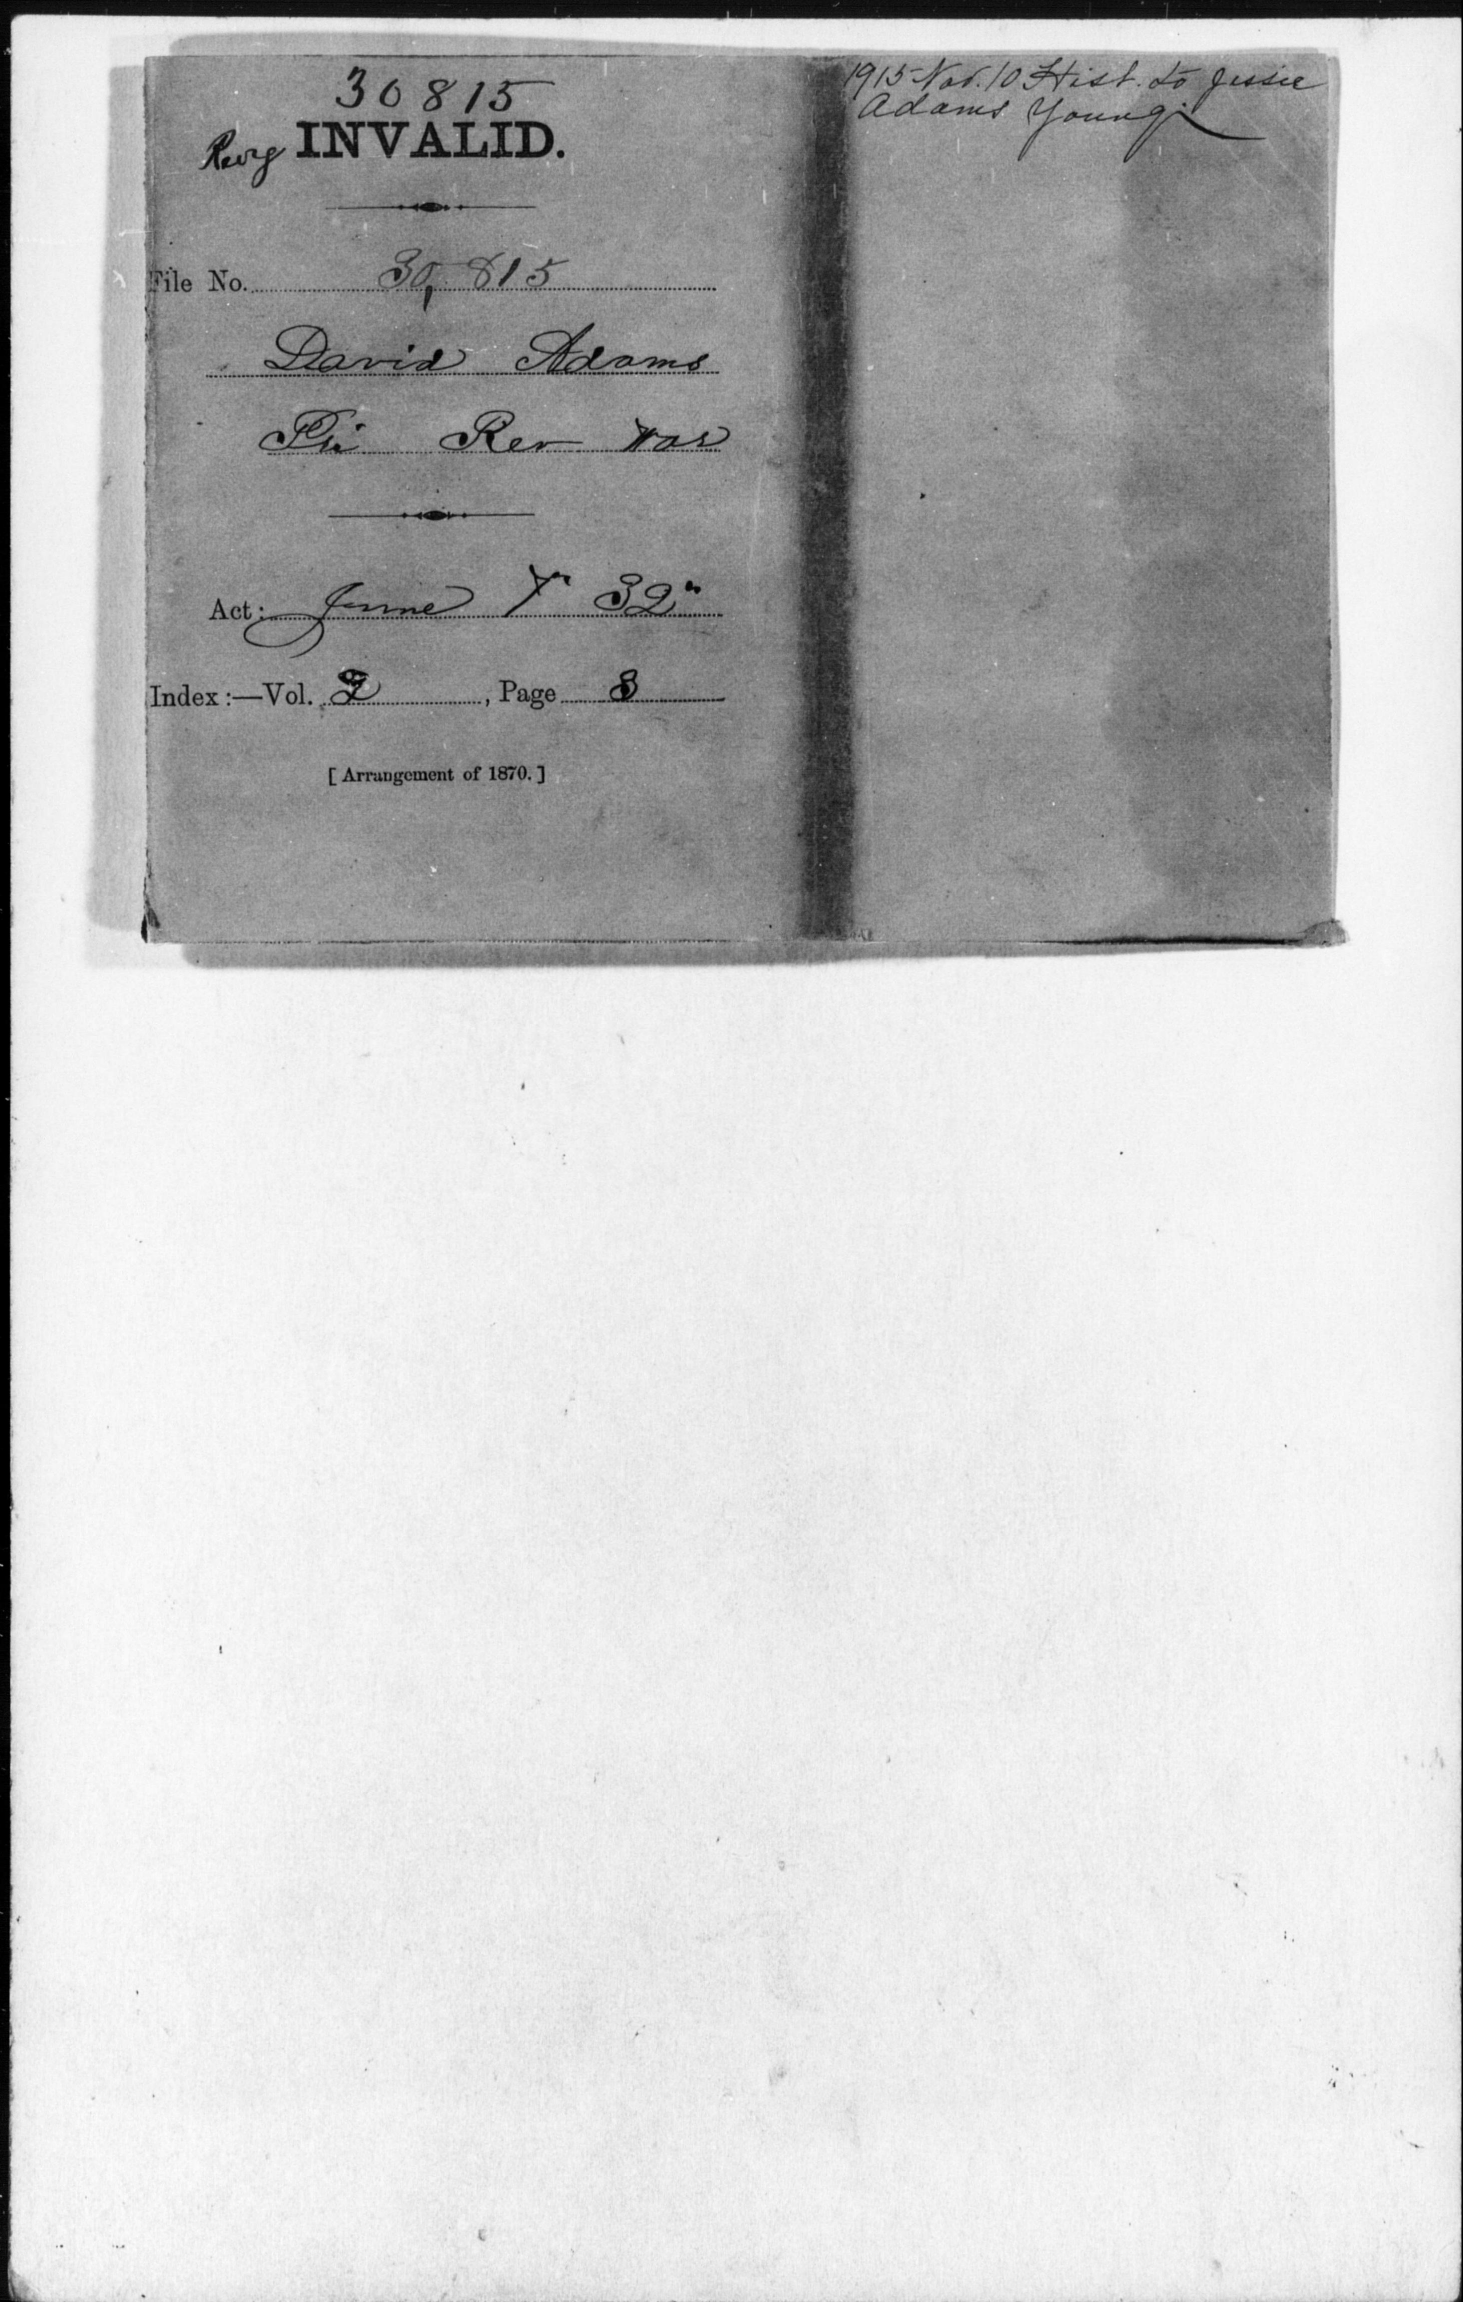30815
Rev  INVALID.

File No.  30,815

David Adams

Priv  Rev  War

Act:  June 7th 32

{Arrangement of 1870}


1915 Nov 10 Hist to Jessie Adams Young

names: David Adams, Jessie Adams Young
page: 12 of 13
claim: survivor's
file: S 30,815, David Adams, Penn.